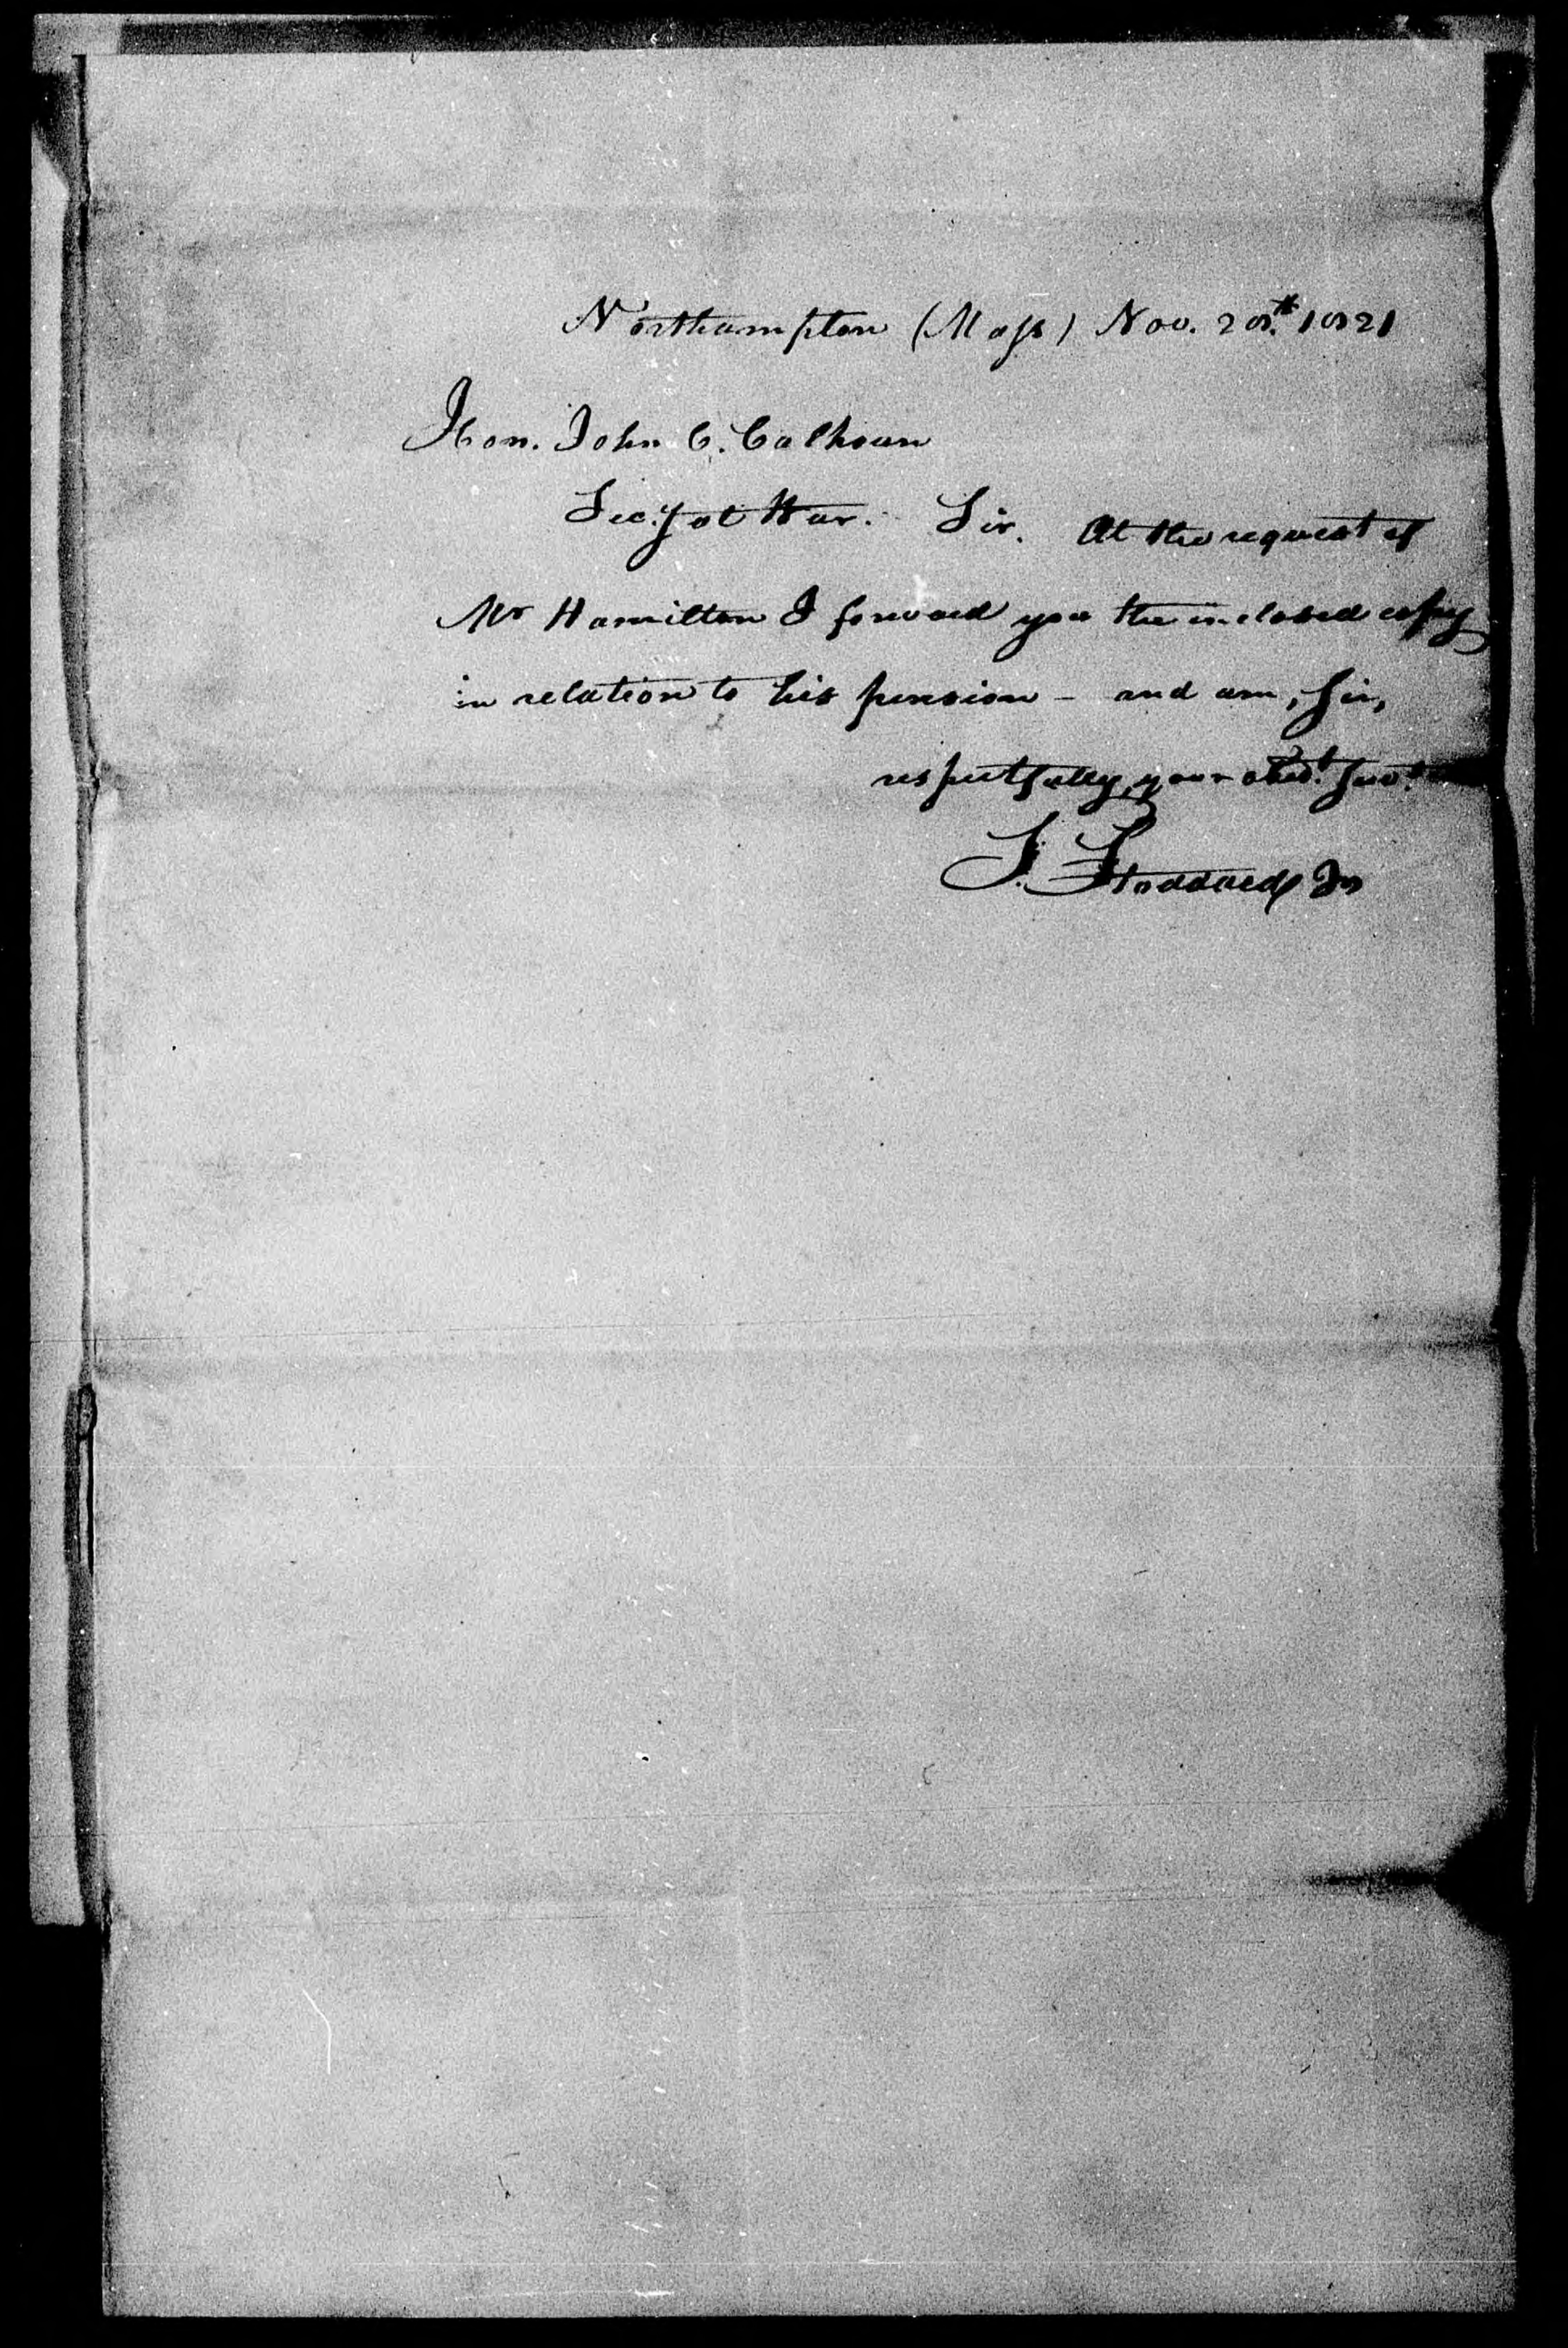Northampton (Mass.) Nov. 20th, 1821

Hon. John C. Calhoun
Secy. of War

Sir,

   At the request of Mr. Hamilton I forward you the enclosed copy in relation to his pension - and I am, Sir,
                 respectfully, Your obt. sevt.
                              //s//
                      S. Stoddard Jr.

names: S Stoddard, John C Calhoun, Hamilton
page: 12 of 12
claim: survivor's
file: S. 32796, Adam Hamilton, Penn.